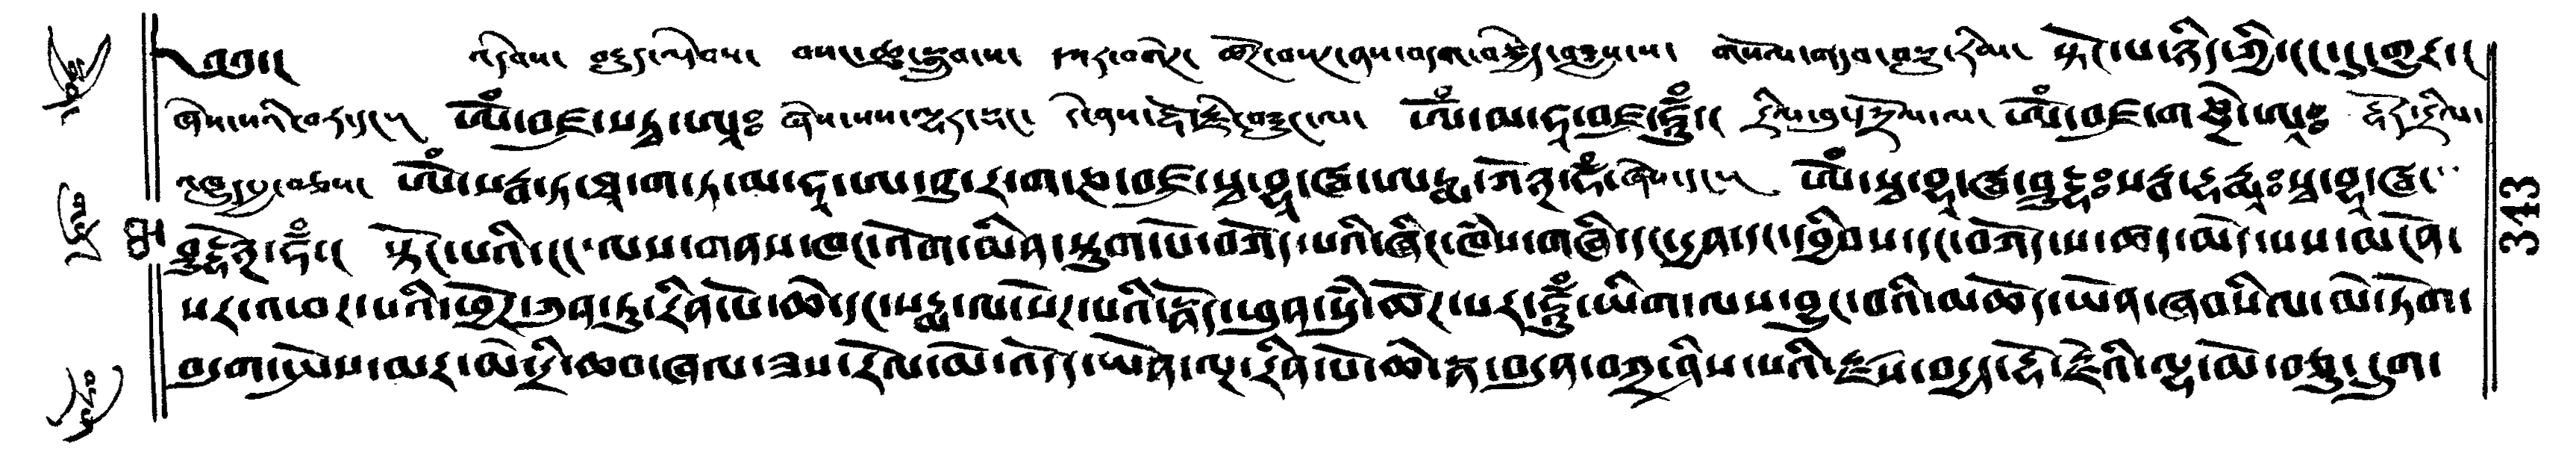འདེབས། བརྒྱུད་འདེབས། བསང་ཆུ་སྒྲུབ་པ། དཀར་བགེགས། ཚོགས་བསགས་ནས་བདག་བསྐྱེད་བཟླས་པ། གསོལ་གདབ་བསྡུ་རིམ། སྟོང་པ་ཉིད་ཀྱི་ངང་དུ་གྱུར། 
ཞེས་པའི་བར་དང་། ཨོཾ་བཛྲ་སཏྭ་ཨཱཿ ཞེས་པས་ལྷར་ལྡང་། དེ་ནས་རྡོ་རྗེ་བཟུང་ལ། ཨོཾ་མ་ཧཱ་བཛྲ་ཧཱུྃ། དྲིལ་བུ་དཀྲོལ་ལ། ཨོཾ་བཛྲ་གཎྜེ་ཨཱཿ རྡོར་དྲིལ་
འཁྱུད་རྒྱ་བཅས། ཨོཾ་སརྦ་ཏ་ཁཱ་ག་ཏ་མ་ཧཱ་ཨ་ནུ་ར་ག་ཎ་བཛྲ་སྭ་བྷཱ་ཝ་ཨཏྨ་ཀོ྅་ཧྃ་ཞེས་དང་། ཨོཾ་སྭ་བྷཱ་ཝ་ཤུདྡྷེ་སརྦ་དྷརྨཱ་སྭ་བྷཱ་ཝ་
ཤུདྡྷོ྅་ཧཾ། སྟོང་པའི་ངང་ལས་གནས་ཁང་འོག་མིན་སྟུག་པོ་བཀོད་པའི་ཞིང་ཁམས་གཞི་དང་རྒྱན་དང་དབྱིབས་དང་བཀོད་པ་ཚད་མེད་པས་མངོན་
པར་འཕགས་པའི་ཕྱོགས་ཀུན་ཏུ་རིན་པོ་ཆེ་དང་པདྨ་ལ་སོགས་པའི་སྣོད་ཕུན་སུམ་ཚོགས་པར་ཧཱུྃ་ཡིག་ལས་བྱུང་བའི་མཆོད་ཡོན་ཞབས་སིལ་མེ་ཏོག་
བདུག་སྤོས་མར་མེ་དྲི་ཆབ་ཞལ་ཟས་རོལ་མོ་འདོད་ཡོན་ལྔ་རིན་པོ་ཆེ་སྣ་བདུན་བཀྲ་ཤིས་པའི་རྫས་བརྒྱད་རྡོ་རྗེའི་ལྷ་མོ་བཅུ་དྲུག